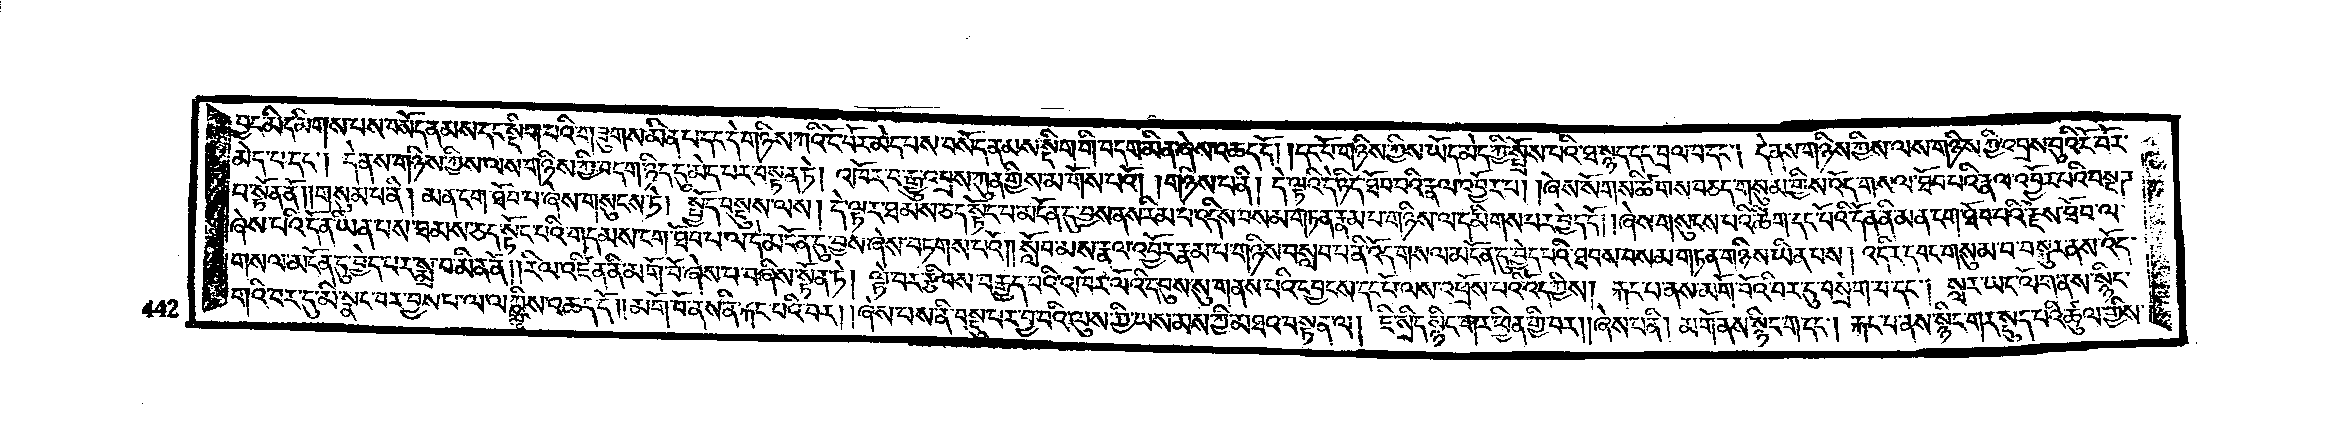བྱང་མི་དམིགས་པས་བསོད་ནམས་དང་སྡིག་པའི་གཟུགས་མིན་པ་དང་དེ་གཉིས་ཀའི་ངོ་བོར་མེད་པས་བསོད་ནམས་སྡིག་གི་བདག་མིན་ཞེས་འཆད་དོ། །དང་པོ་གཉིས་ཀྱིས་ཡོད་མེད་ཀྱི་སྤྲོས་པའི་ཐ་སྙད་དང་བྲལ་བ་དང་། དེ་ནས་གཉིས་ཀྱིས་ལས་གཉིས་ཀྱི་འབྲས་བུའི་ངོ་བོར་
མེད་པ་དང་། དེ་ནས་གཉིས་ཀྱིས་ལས་གཉིས་ཀྱི་བདག་ཉིད་དུ་མེད་པར་བསྟན་ཏེ། འཁོར་བ་རྒྱུ་འབྲས་ཀུན་གྱིས་མ་གོས་པའོ། །གཉིས་པ་ནི། དེ་ལྟའི་དེ་ཉིད་ཐོབ་པའི་རྣལ་འབྱོར་པ། །ཞེས་སོགས་ཚིགས་བཅད་གསུམ་གྱིས་འོད་གསལ་ཐོབ་པའི་རྣལ་འབྱོར་པའི་བསྔགས་
པ་སྟོན་ནོ། །གསུམ་པ་ནི། མན་ངག་ཐོབ་པ་ཞེས་གསུངས་ཏེ། སྤྱོད་བསྡུས་ལས། དེ་ལྟར་ཐམས་ཅད་སྟོང་པ་མངོན་དུ་བྱས་ནས་རིམ་པ་འདིས་བསམ་གཏན་རྣམ་པ་གཉིས་ལ་དམིགས་པར་བྱེད་དོ། །ཞེས་གསུངས་པའི་ཚིག་དང་པོའི་དོན་ནི་མན་ངག་ཐོབ་པའི་རྗེས་ཐོབ་ལ་
ཞེས་པའི་དོན་ཡིན་པས་ཐམས་ཅད་སྟོང་པའི་གདམས་ངག་ཐོབ་པ་ལ་དེ་མངོན་དུ་བྱས་ཞེས་བཏགས་པའོ། །སློབ་མས་རྣལ་འབྱོར་རྣམ་པ་གཉིས་བསླབ་པ་ནི་འོད་གསལ་མངོན་དུ་བྱེད་པའི་ཐབས་བསམ་གཏན་གཉིས་ཡིན་པས། འདིར་དབང་གསུམ་པ་བསྐུར་ནས་འོད་
གསལ་མངོན་དུ་བྱེད་པར་སྨྲ་བ་མིན་ནོ། །རིལ་འཛིན་ནི་མགོ་བོ་ཞེས་པ་བཞིས་སྟོན་ཏེ། ལྟེ་བར་རྩིབས་བརྒྱད་པའི་འཁོར་ལོའི་དབུས་སུ་གནས་པའི་དབྱངས་དང་པོ་ལས་འཕྲོས་པའི་འོད་ཀྱིས། རྐང་པ་ནས་མགོ་བོའི་བར་དུ་བསྲེག་པ་དང་། སླར་ཡང་ལོག་ནས་སྙིང་
གའི་བར་དུ་མི་སྣང་བར་བྱས་པ་ལ་ལཀྵྨཱིས་འཆད་དོ། །མགོ་པོ་ནས་ནི་རྐང་པའི་བར། །ཞེས་པས་ནི་བསྡུ་པར་བྱ་བའི་ལུས་ཀྱི་ཡས་མས་ཀྱི་མཐའ་བསྟན་ལ། ཇི་སྲིད་སྙིང་གར་ཕྱིན་གྱི་བར། །ཞེས་པ་ནི། མགོ་ནས་སྙིང་ག་དང་། རྐང་པ་ནས་སྙིང་གར་སྡུད་པའི་ཚུལ་གྱིས་